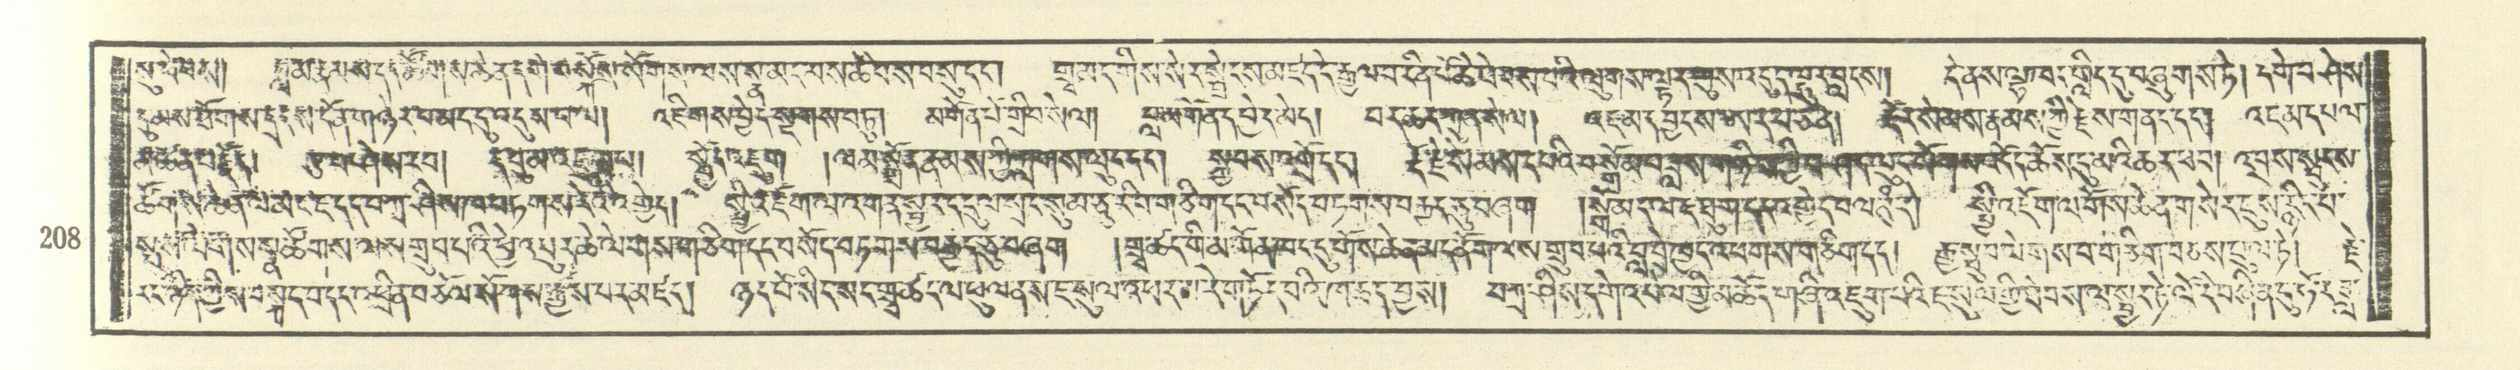སུ་ཕེབས། བླ་མ་རྣམས་དང་ཚོགས་ཆེན་དགེ་བསྐོས་སོགས་ལས་སྣ་མང་མས་ཆིབས་བསུ་དང་། གྲྭ་མང་གིས་སེར་སྦྲེངས་མཛད་དེ་རྒྱལ་བ་རིན་པོ་ཆེ་ཕེབས་པའི་ལུགས་ལྟར་གུས་འདུད་ལྷུར་བླངས། དེ་ནས་ལྷ་ཁང་གླིང་དུ་བཞུགས་ཏེ། དགེ་བཤེས་
དུ་མས་ཐོགས་དྲངས་དོན་གཉེར་བ་མང་དུ་འདུས་པ་ལ། འཇིགས་བྱེད་སྔགས་བཏུ། མགོན་པོ་གྲིབ་སེལ། བླ་མགོན་དབྱེར་མེད། བར་ཆད་ཀུན་སེལ། འཇམ་དབྱངས་ཨ་ར་པ་ཙ་ན། རྡོར་སེམས་རྣམས་ཀྱི་རྗེས་གནང་དང་འཇམ་དཔལ་
མཚན་བརྗོད། རྩ་བ་ཤེས་རབ། དབུམ་འཇུག་པ། སྦྱོད་འཇུག །ལམ་སྒྲོན་རྣམས་ཀྱི་ཀླགས་ལུང་དང་། སྐྱབས་འགྲོ་དང་། རྡོ་རྗེ་སེམས་དཔའི་བསྒོམ་བཟླས་གཉིས་ཀྱི་བཤད་ལུང་སོགས་འདོད་ཆོས་དུ་མའི་ཆར་ཕབ། འབྲས་སྤུངས་
ཚོགས་ཆེན་ལམ་ཇ་དད་བཀྲ་ཤིས་ཁ་བཏགས་རེའི་འགྱེད། སྤྱི་འཇོག་ལ་འགན་སྦྱར་དངུལ་སྲད་སུམ་ཅུ་རི་བ་གཅིག་དང་བསོད་བཏགས་བརྒྱད་ཅུ་བཞག །སྒོ་མང་ལ་ཇ་ཐུག་དང་འགྱེད་བལ་ཊཾ་རེ། སྤྱི་འཇོག་ལ་གོས་ཆེན་གསེར་ཇུས་རྙིང་པ་
སྤུས་ལེགས་སྣ་ཚོགས་ལས་གྲུབ་པའི་ཕྱེ་འབུར་ཆེ་ལེགས་གཅིག་དང་བསོད་བཏགས་བརྒྱད་ཅུ་བཞག །གྲྭ་ཚང་གི་མགོན་ཁང་དུ་གོས་ཆེན་མ་དྣོག?་ལས་གྲུབ་པའི་བླ་བྲེ་ཁྱད་འཕགས་གཅིག་དང་། རྒྱ་སྦུ་བ་ལེགས་པ་གཅིག་བཅས་པུལ་ཏེ། རྗེ་
རང་ཉིད་ཀྱིས་བསྐད་པ་དང་འཕྲིན་བཅོལ་སོགས་རྒྱས་པར་མཛད། ཉད་པོ་སིང་སང་གྲྭ་ཚང་ལ་ཕུལ་ནས་ཇ་སུལ་འཕར་མ་རེ་གཏོང་བའི་ཁ་ཆད་བྱས། བཀྲ་ཤིས་དགེ་འཕེལ་གྱི་མཆོད་གཞི་འཇུག་པའི་ཇ་སུལ་གྱི་ཐེབས་ལ་སྦྱར་ཏེ་ལོ་རེ་བཞིན་དུ་ཧོར་ཟླ་